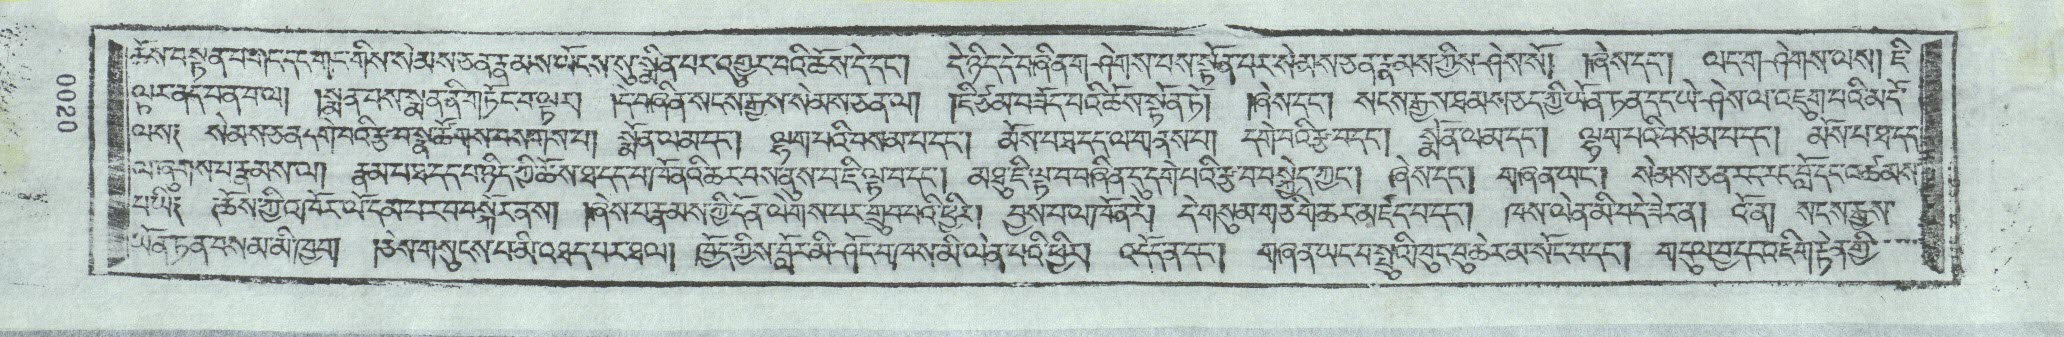ཆོས་བསྟན་པ་གང་དང་གང་གིས་སེམས་ཅན་རྣམས་ཡོངས་སུ་སྨིན་པར་འགྱུར་བའི་ཆོས་དེ་དང་། དེ་ཉིད་དེ་བཞིན་གཤེགས་པས་སྟོན་པར་སེམས་ཅན་རྣམས་ཀྱིས་ཤེས་སོ། །ཞེས་དང་། ལང་གཤེགས་ལས། ཇི་
ལྟར་ནད་པ་ན་བ་ལ། །སྨན་པས་སྨན་ནི་གཏོང་བ་ལྟར། །དེ་བཞིན་སངས་རྒྱས་སེམས་ཅན་ལ། །ཇི་ཙམ་བཟོད་པའི་ཆོས་སྟོན་ཏོ། །ཞེས་དང་། སངས་རྒྱས་ཐམས་ཅད་ཀྱི་ཡོན་ཏན་དང་ཡེ་ཤེས་ལ་འཇུག་པའི་མདོ་
ལས༑ སེམས་ཅན་དགེ་བའི་རྩ་བ་སྣ་ཚོགས་བསགས་པ། སྨོན་ལམ་དང་། ལྷག་པའི་བསམ་པ་དང་། མོས་པ་ཐ་དད་ལ་གནས་པ། དགེ་བའི་རྩ་བ་དང་། སྨོན་ལམ་དང་། ལྷག་པའི་བསམ་པ་དང་། མོས་པ་ཐ་དད་
ལ་ཞུགས་པ་རྣམས་ལ། རྣམ་པ་ཐ་དད་པ་ཉིད་ཀྱི་ཆོས་ཐ་དད་པ་ཁོ་ནའི་ཆར་བས་ནུས་པ་ཇི་ལྟ་བ་དང་། མཐུ་ཇི་ལྟ་བ་བཞིན་དུ་དགེ་བའི་རྩ་བ་བསྐྱེད་ཀྱང་། ཞེས་དང་། གཞན་ཡང་། སེམས་ཅན་རང་རང་བློ་དང་འཚམས་
པ་ཡི༑ ༑ཆོས་ཀྱི་འཁོར་ལོ་དམ་པར་བ་བསྐོར་ནས། །ཞེས་པ་རྣམས་ཀྱི་དོན་ལེགས་པར་གྲུབ་པའི་ཕྱིར། བྱས་པ་ལ་ཁོ་ན་རེ། དེ་གསུམ་གཅིག་ཆར་མཛད་པ་དང་། ཁས་ལེན་མི་བདེ་ཟེར་ན། འོ་ན། སངས་རྒྱས་
ཡོན་ཏན་བསམ་མི་ཁྱབ། །ཅེས་གསུངས་པ་མི་འཐད་པར་ཐལ། ཁྱོད་ཀྱིས་བློར་མི་ཤོང་བ་ཁས་མི་ལེན་པའི་ཕྱིར། འདོད་ན་དང་། གཞན་ཡང་བ་སྤུའི་ཁུང་བུ་ཆེར་མ་སོང་བ་དང་། གདུལ་བྱ་དང་འཇིག་རྟེན་གྱི་